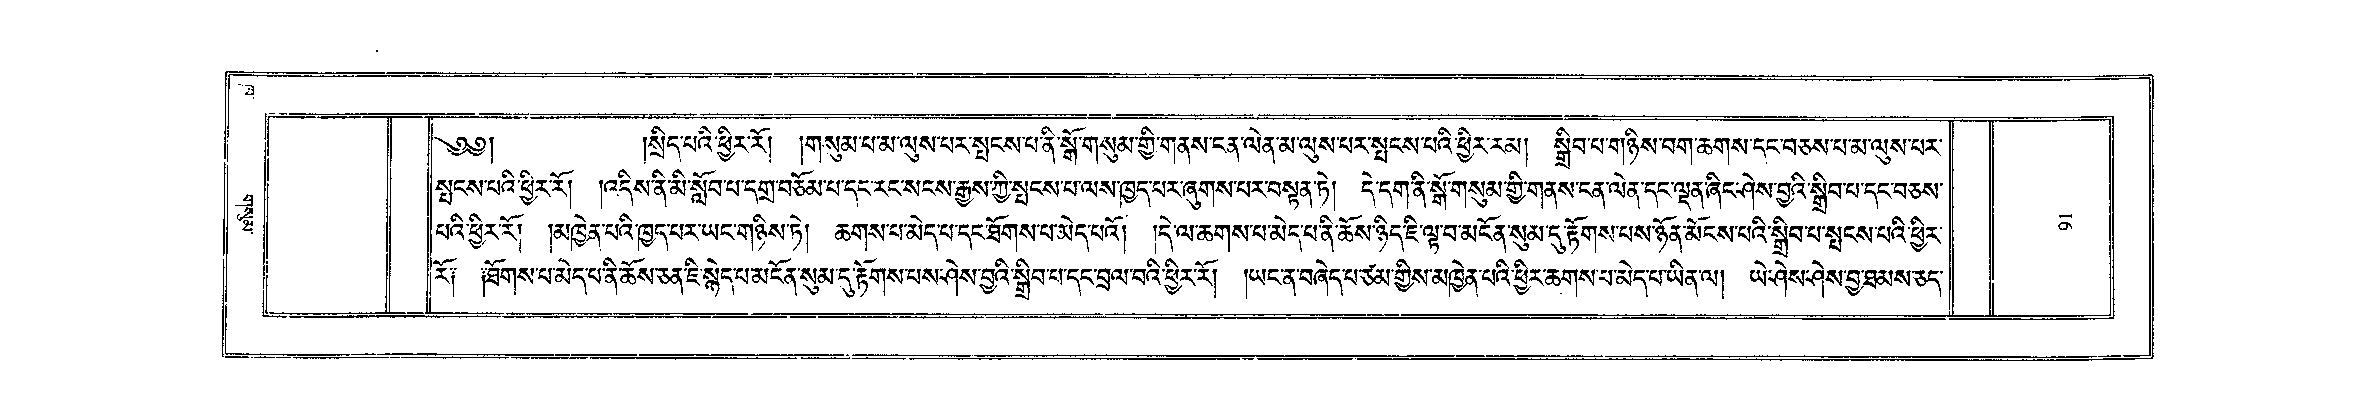༄༅། །སྲིད་པའི་ཕྱིར་རོ། །གསུམ་པ་མ་ལུས་པར་སྤངས་པ་ནི་སྒོ་གསུམ་གྱི་གནས་ངན་ལེན་མ་ལུས་པར་སྤངས་པའི་ཕྱིར་རམ། སྒྲིབ་པ་གཉིས་བག་ཆགས་དང་བཅས་པ་མ་ལུས་པར་
སྤངས་པའི་ཕྱིར་རོ། །འདིས་ནི་མི་སློབ་པ་དགྲ་བཅོམ་པ་དང་རང་སངས་རྒྱས་ཀྱི་སྤངས་པ་ལས་ཁྱད་པར་ཞུགས་པར་བསྟན་ཏེ། དེ་དག་ནི་སྒོ་གསུམ་གྱི་གནས་ངན་ལེན་དང་ལྡན་ཞིང་ཤེས་བྱའི་སྒྲིབ་པ་དང་བཅས་
པའི་ཕྱིར་རོ། །མཁྱེན་པའི་ཁྱད་པར་ཡང་གཉིས་ཏེ། ཆགས་པ་མེད་པ་དང་ཐོགས་པ་མེད་པའོ། །དེ་ལ་ཆགས་པ་མེད་པ་ནི་ཆོས་ཉིད་ཇི་ལྟ་བ་མངོན་སུམ་དུ་རྟོགས་པས་ཉོན་མོངས་པའི་སྒྲིབ་པ་སྤངས་པའི་ཕྱིར་
རོ༑ ༑ཐོགས་པ་མེད་པ་ནི་ཆོས་ཅན་ཇི་སྙེད་པ་མངོན་སུམ་དུ་རྟོགས་པས་ཤེས་བྱའི་སྒྲིབ་པ་དང་བྲལ་བའི་ཕྱིར་རོ། །ཡང་ན་བཞེད་པ་ཙམ་གྱིས་མཁྱེན་པའི་ཕྱིར་ཆགས་པ་མེད་པ་ཡིན་ལ། ཡེ་ཤེས་ཤེས་བྱ་ཐམས་ཅད་